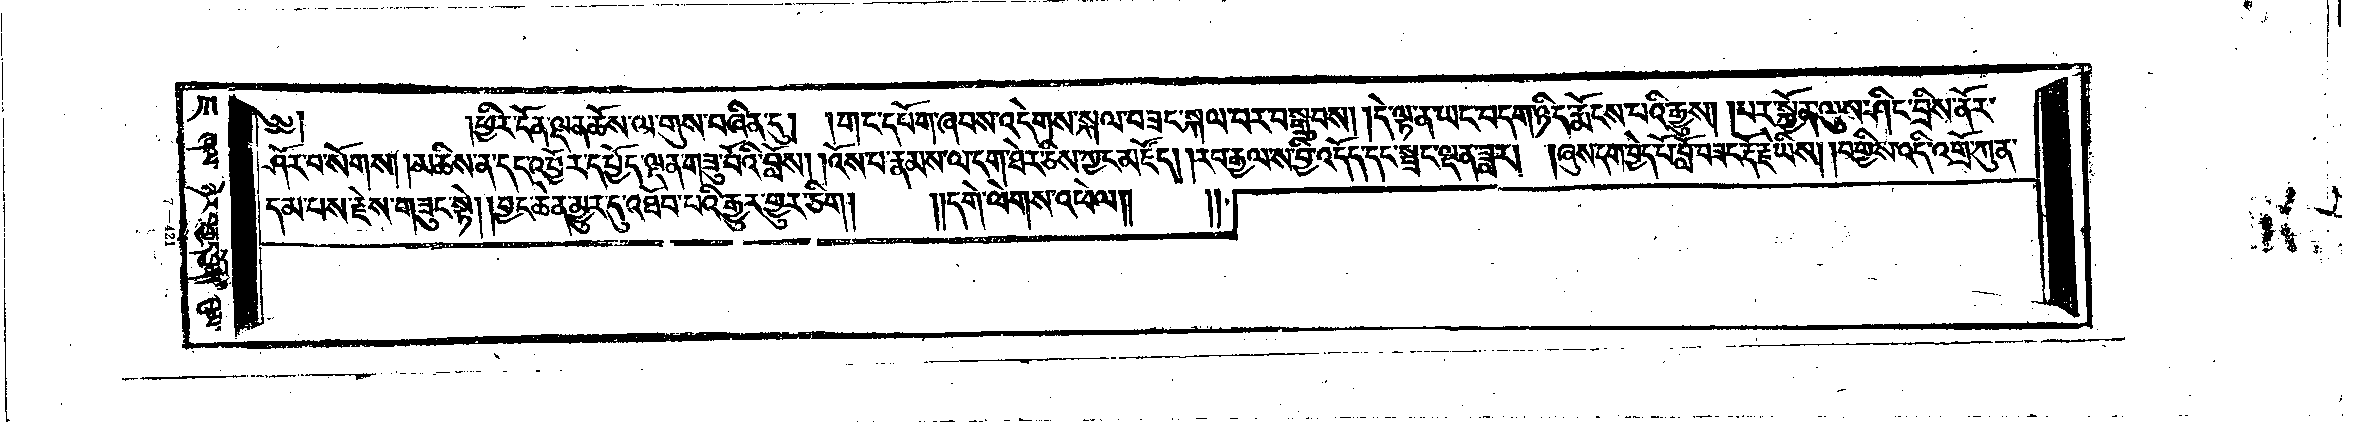༄༅། །ཕྱིར་དོན་ལྡན་ཆོས་ལ་གུས་བཞིན་དུ། །གང་དཔོག་ཞབས་འདེགས་སྐལ་བཟང་སྐལ་བར་བསྒྲུབས། །དེ་ལྟ་ན་ཡང་བདག་ཉིད་རྨོངས་པའི་རྒྱུས། །པར་སྐྱོན་ལུས་ཤིང་བྲིས་ནོར་
ཤོར་བ་སོགས། །མཆིས་ན?་དད་འབྱོར་དབྱོད་ལྡན་གཟུ་བོའི་བློས། །འོས་པ་རྣམས་ལ་དག་ཐེར་ཅིས་ཀྱང་མཛོད། །རབ་རྒྱལ་ས་བྱི་འདོད་དང་སྦྲང་ལྡན་ཟླར། །འཁུར་ལེན་བྱེད་པོ་བློ་བཟང་རྡོ་རྗེ་ཡིས། །བགྱིས་འདི་འགྲོ་ཀུན་
དམ་པས་རྗེས་གཟུང་སྟེ། །བྱང་ཆེན་མྱུར་དུ་འཐོབ་པའི་རྒྱུར་གྱུར་ཅིག། །།དགེ་ལེགས་འཕེལ།། །།